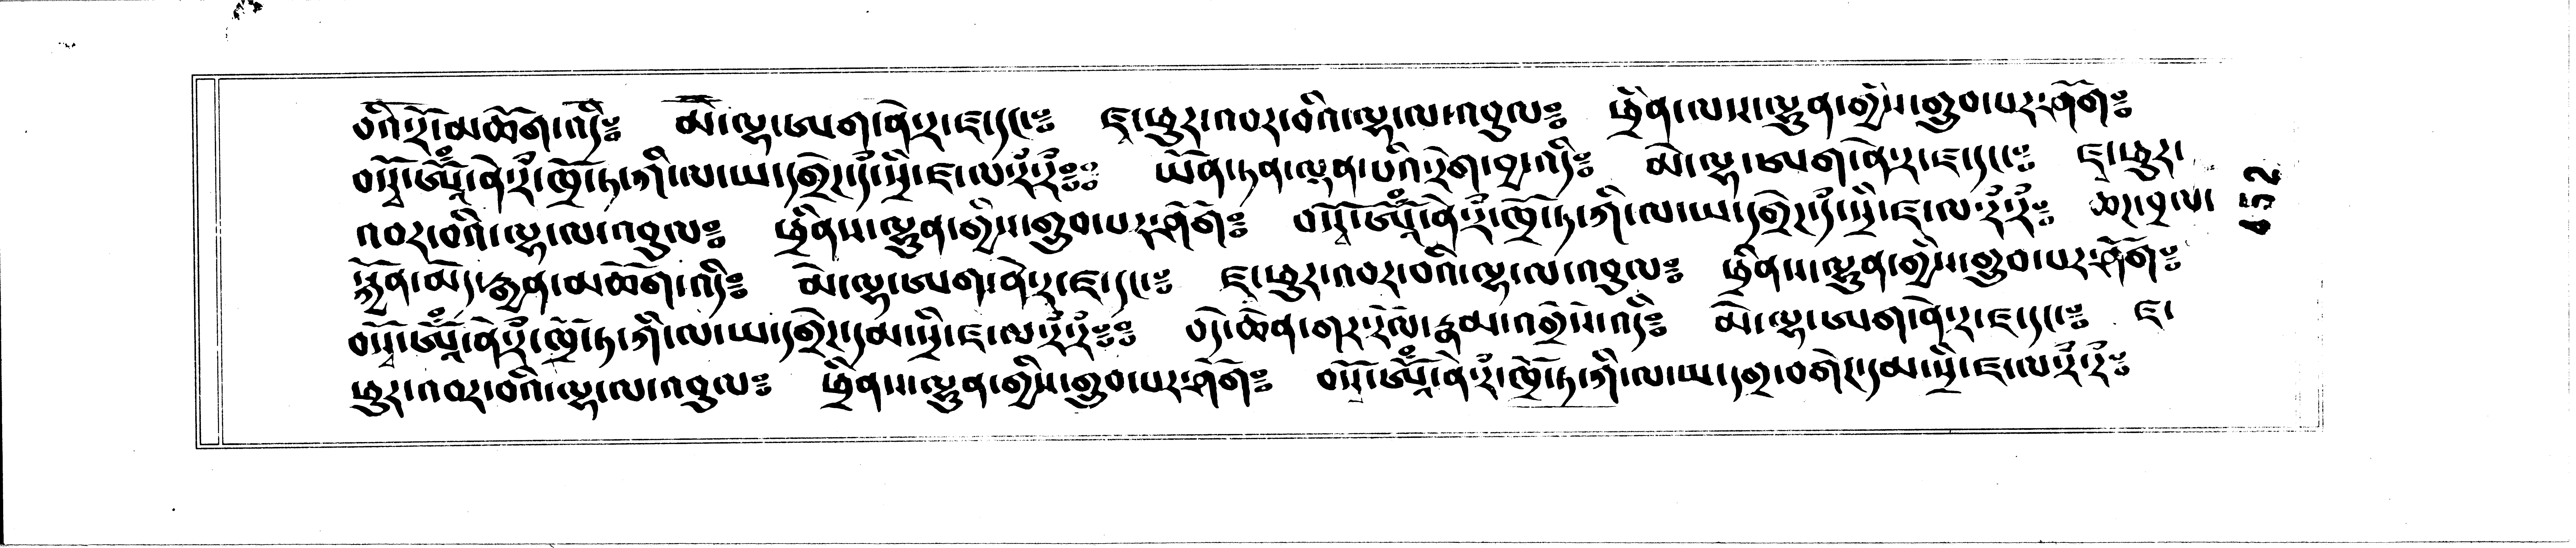བའི་རོ་མཆོག་འདི༔མེ་ལྷ་ཨག་ནེ་ར་ཛྭ་དང༔ཛྭ་ཕུར་འབར་བའི་ལྷ་ལ་འབུལ༔ཕྲིན་ལས་ལྷུན་གྱིས་གྲུབ་པར་ཤོག༔
བསྭོ་ཨཱོཾ་ནེ་རཾ་ཁྲོ་ཏ་ཀི་ལ་ཡ་དགྲ་བགེགས་དམ་སྲི་ཛ་ལ་རཾ་རཾ༔༔ཡོན་ཏན་ལྡན་པའི་རེག་བྱ་འདི༔མེ་ལྷ་ཨག་ནེ་ར་ཛྭ་དང༔ཛྭ་ཕུར་
འབར་བའི་ལྷ་ལ་འབུལ༔ཕྲིན་ལས་ལྷུན་གྱིས་གྲུབ་པར་ཤོག༔བསྭོ་ཨཱོཾ་ནེ་རཾ་ཁྲོ་ཏ་ཀི་ལ་ཡ་དགྲ་བགེགས་དམ་སྲི་ཛ་ལ་རཾ་རཾ༔༔ཆགས་བྲལ་
སྐྱོན་མེད་རྒྱན་མཆོག་འདི༔མེ་ལྷ་ཨག་ནེ་ར་ཛྭ་དང༔ཛྭ་ཕུར་འབར་བའི་ལྷ་ལ་འབུལ༔ཕྲིན་ལས་ལྷུན་གྱིས་གྲུབ་པར་ཤོག༔
བསྭོ་ཨཱོཾ་ནེ་རཾ་ཁྲོ་ཏ་ཀི་ལ་ཡ་དགྲ་བགེགས་དམ་སྲི་ཛ་ལ་རཾ་རཾ༔༔བདེ་ཆེན་གར་རོལ་རྣམ་འགྲོས་འདི༔མེ་ལྷ་ཨག་ནེ་ར་ཛྭ་དང༔ཛྭ་ཕུ
ར་འབར་བའི་ལྷ་ལ་འབུལ༔ཕྲིན་ལས་ལྷུན་གྱིས་གྲུབ་པར་ཤོག༔བསྭོ་ཨཱོཾ་ནེ་རཾ་ཁྲོ་ཏ་ཀི་ལ་ཡ་དགྲེགས་དམ་སྲི་ཛ་ལ་རཾ་རཾ༔༔